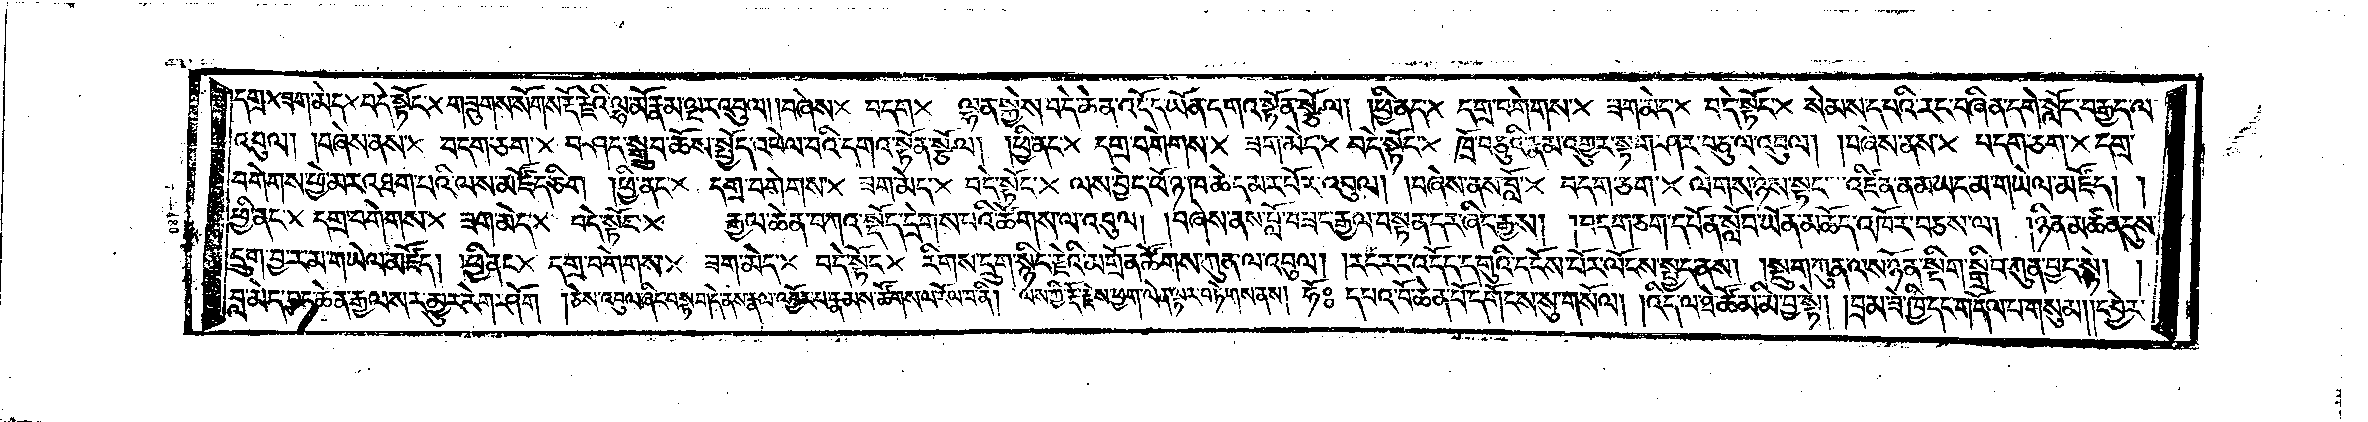དགྲ་྾་ཟག་མེད་྾་བདེ་སྟོང་྾་གཟུགས་སོགས་རྡོ་རྗེའི་ལྷ་མོ་རྣམ་ལྔར་འབུལ། །བཞེས་྾་བདག་྾་ལྷན་སྐྱེས་བདེ་ཆེན་འདོད་ཡོན་དགའ་སྟོན་སྩོལ། །ཕྱི་ནང་྾་དགྲ་བགེགས་྾་ཟག་མེད་྾་བདེ་སྟོང་྾་སེམས་དཔའི་རང་བཞིན་དགེ་སློང་བརྒྱད་ལ་
འབུལ། །བཞེས་ནས་྾་བདག་ཅག་྾་བཤད་སྒྲུབ་ཆོས་སྤྱོད་འཕེལ་བའི་དགའ་སྟོན་སྩོལ། །ཕྱི་ནང་྾་དགྲ་བགེགས་྾་ཟག་མེད་྾་བདེ་སྟོང་྾་ཁྲོ་བཅུའི་རྣམ་འགྱུར་སྟག་ཤར་བཅུ་ལ་འབུལ། །བཞེས་ནས་྾་བདག་ཅག་྾་དགྲ་
བགེགས་ཕྱི་མར་འཐག་པའི་ལས་མཛོད་ཅིག །ཕྱི་ནང་྾་དགྲ་བགེགས་྾་ཟག་མེད་྾་བདེ་སྟོང་྾་ལས་བྱེད་ཕོ་ཉ་ཁ་ཆེ་དམར་པོར་འབུལ། །བཞེས་ནས་བློ་྾་བདག་ཅག་྾་ལེགས་ཉེས་སྟང་འཛིན་ནམ་ཡང་མ་གཡེལ་མཛོད། །
ཕྱི་ནང་྾་དགྲ་བགེགས་྾་ཟག་མེད་྾་བདེ་སྟོང་྾་རྒྱལ་ཆེན་བཀའ་སྡོད་དྲེགས་པའི་ཚེགས་ལ་འབུལ། །བཞེས་ནས་བློ་བཟང་རྒྱལ་བསྟན་དར་ཞིང་རྒྱས། །བདག་ཅག་དཔོན་སློབ་ཡོན་མཆོད་འཁོར་བཅས་ལ། །ཉིན་མཚན་དུས་
དྲུག་བྱ་ར་མ་གཡེལ་མཛོད། །ཕྱི་ནང་྾་དགྲ་བགེགས་྾་ཟག་མེད་྾་བདེ་སྟོང་྾་རིགས་དྲུག་སྙིང་རྗེའི་མགྲོན་ཚོགས་ཀུན་ལ་འབུལ། །རང་རང་འདོད་དགུའི་དངོས་པོར་ལོངས་སྤྱད་ནས། །སྡུག་ཀུན་ལས་ཉོན་སྡིག་སྒྲིབ་ཀུན་བྱང་སྟེ༑ ༑
བླ་མེད་བྱང་ཆེན་རྒྱལ་སར་མྱུར་རེག་ཤོག་།ཅེས་འབུལ་ཞིང་བསྟབ་།དེ་ནས་རྣལ་འབྱོར་པ་རྣམས་ཚོགས་ལ་རོལ་བ་ནི། ལས་ཀྱི་རྡོ་རྗེས་ཕྱག་ལེན་ལྟར་བཏེགས་ནས།  ཧོཿདཔའ་བོ་ཆེན་པོ་དགོངས་སུ་གསོལ། །འདི་ལ་ཐེ་ཚོམ་མི་བྱ་སྟེ། །བྲམ་ཟེ་ཁྱི་དང་གདོལ་པ་གསུམ། །དབྱེར་